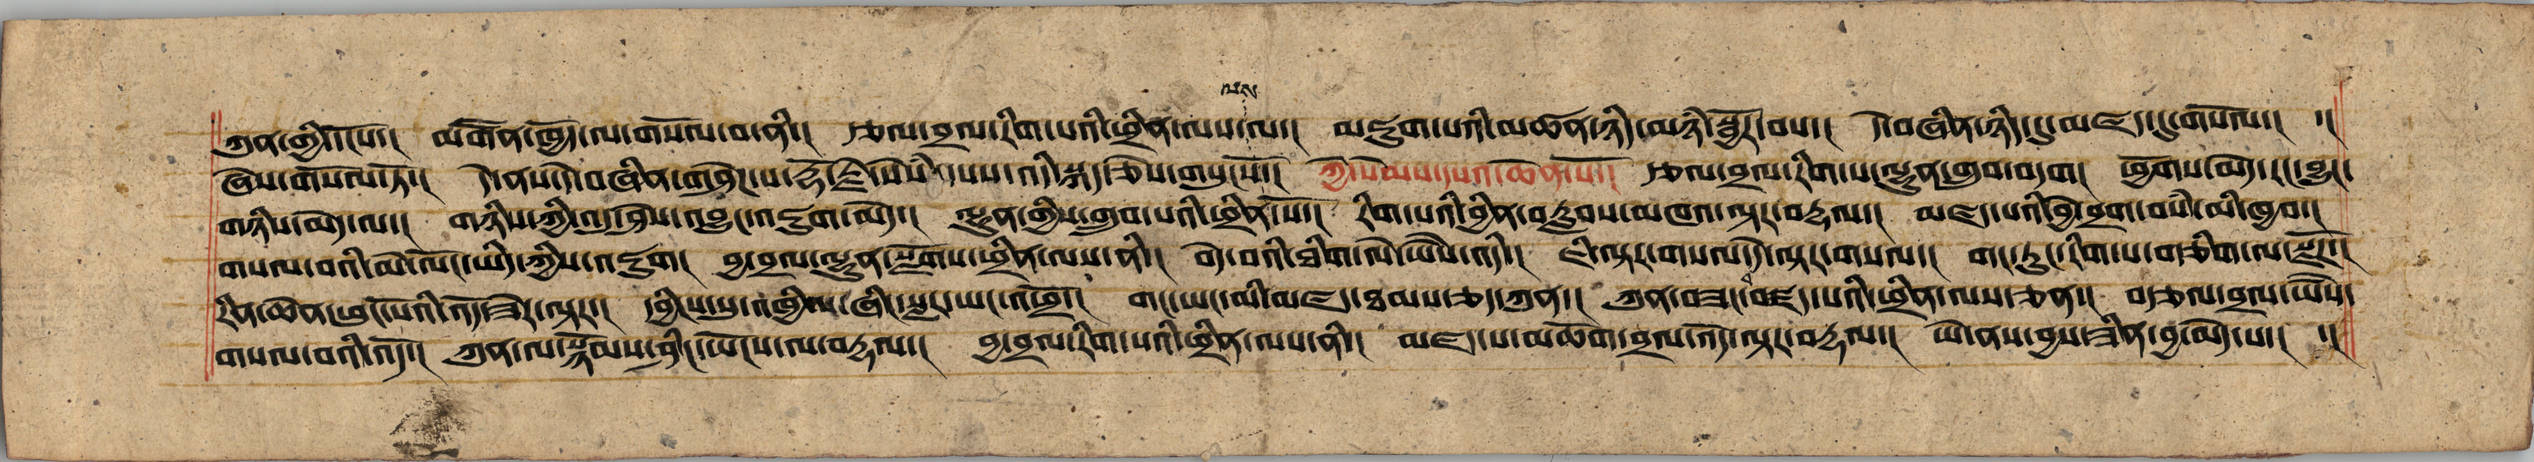ཀུན་གྱི་དངོས་། མགཽན་ཁྱོད་ལ་གསོལ་བ་ནི་། རྩལ་བྲལ་རིག་པའི་ཕྲིན་ལས་ལ་། མཇུག་པའི་མཚན་ཉིད་མཉཾ་སྦྱོར་བས་། དེ་བཞིན་ཉིད་དུ་མཛད་དུ་གསོལ་། ་།
ཞེས་གསོལ་ཏོ་། དེ་ནས་དེ་བཞིན་གཤེཌ་པ་རྡོ་རྗེ་སེསཾ་དཔས་འདི་སྐད་ཅེས་གསུངསོ་། ཀྱེ་སེམས་དཔའ་ཆེན་པོ་། རྩལ་བྲལ་རིག་པ་ལྷུན་གྲུབ་བདག། ཕྱོགས་མེད་རང་བྱུང་
གཉིས་མེད་ལ་། གཉིས་ཀྱི་འདུ་ཤེས་འབྱུང་འཇུག་མེད་། ལྷུན་གྱིས་གྲུབ་པའི་ཕྲིན་སོ་། རིག་པའི་བྱིན་བརླབས་མཁའ་ལྟར་བརྡལ་། མཛད་པའི་བྱེ་བྲག་བསཾ་མི་ཁྱབ་།
གསལ་བའི་མེ་ལོང་ཡིད་ཀྱིས་འཇུག། བྱ་བྲལ་ལྷུན་སྫོགས་ཕྲིན་ལས་ནི་། བདེ་བའི་ཐིག་ལེ་ཡཻས་འདི་། ཇི་ལྟར་གསལ་བ་དེ་ལྟར་གསལ་། གང་རུང་རིག་པ་གཅིག་ལ་སྫོཌ་།
རིན་ཆེན་ཕུང་པོའི་འོད་ཟེར་ལྟར་། དབྱིངས་སུ་འཁྱིལ་ཞིང་སླར་ཡང་འཕྲོ་། གང་ཡང་མི་མཛད་ཐམས་ཅད་ཀུན་། ཀུན་བཟང་མཛད་པའི་ཕྲིན་ལས་ཅན་། བརྩལ་བྲལ་ཡཻས་
གསལ་བའི་འདོ་། ཀུན་ལ་སྙོམས་ཤིང་ཡོངས་ལ་བརྡལ་། བྱ་བྲལ་རིག་པའི་ཕྲིན་ལས་ནི་། མཛད་པ་མཆོག་བྲལ་འདོ་ལྟར་བརྡལ་། ཡེ་ནས་བྱས་ཟིན་བྱ་མེད་པ་།